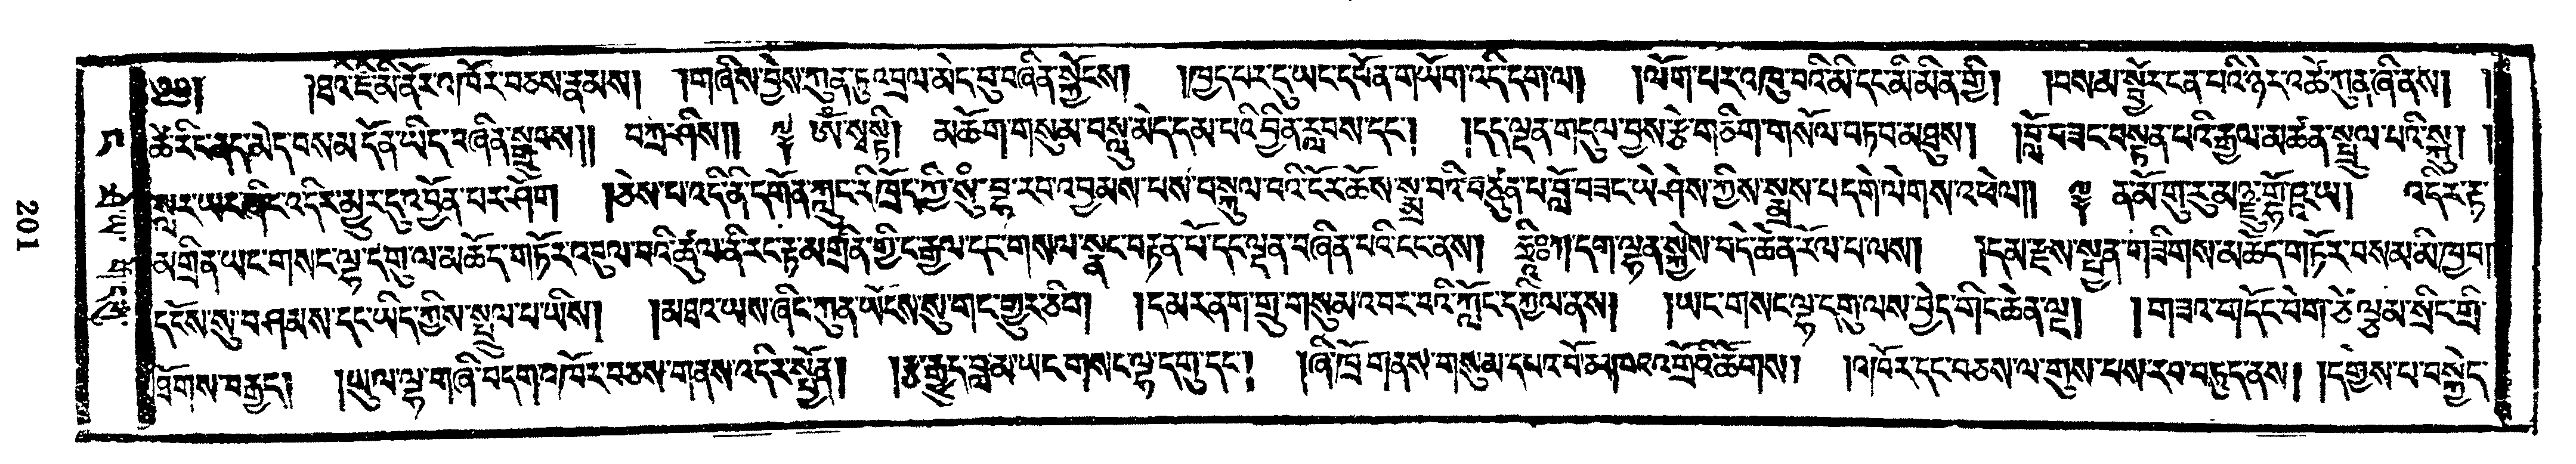༄༅། །ཐའི་ཇི་མི་ནོར་འཁོར་བཅས་རྣམས། །གཞིས་བྱེས་ཀུན་ཏུ་འབྲལ་མེད་བུ་བཞིན་སྐྱོངས། །ཁྱད་པར་དུ་ཡང་དཔོན་གཡོག་འདི་དག་ལ། །ལོག་པར་འཁུ་བའི་མི་དང་མི་མིན་གྱི། །བསམ་སྦྱོར་ངན་པའི་ཉེར་འཚེ་ཀུན་ཞི་ནས། །
ཚེ་རིང་ནད་མེད་བསམ་དོན་ཡིད་བཞིན་སྒྲུབས།། བཀྲ་ཤིས།། ༈ ཨོཾ་སྭ་སྟི། མཆོག་གསུམ་བསླུ་མེད་དམ་པའི་བྱིན་རླབས་དང་། །དད་ལྡན་གདུལ་བྱས་རྩེ་གཅིག་གསོལ་བཏབ་མཐུས། །བློ་བཟང་བསྟན་པའི་རྒྱལ་མཚན་སྤྲུལ་པའི་སྐུ། །
སླར་ཡང་ཞིང་འདིར་མྱུར་དུ་འབྱོན་པར་ཤོག །ཅེས་པ་འདི་ནི་དགོན་ཀླུང་རི་ཁྲོད་ཀྱི་སུཾ་བྷ་རབ་འབྱམས་པས་བསྐུལ་བའི་ངོར་ཆོས་སྨྲ་བའི་བཙུན་པ་བློ་བཟང་ཡེ་ཤེས་ཀྱིས་སྨྲས་པ་དགེ་ལེགས་འཕེལ།། ༈ ན་མོ་གུ་རུ་མཉྫུ་གྷོ་ཥཱ་ཡ། འདིར་རྟ་
མགྲིན་ཡང་གསང་ལྷ་དགུ་ལ་མཆོད་གཏོར་འབུལ་བའི་ཚུལ་ནི་རང་རྟ་མགྲིན་གྱི་ང་རྒྱལ་དང་གསལ་སྣང་བརྟན་པོ་དང་ལྡན་བཞིན་པའི་ངང་ནས། ཧྲཱིཿཀ་དག་ལྷན་སྐྱེས་བདེ་ཆེན་རོལ་པ་ལས། །དམ་རྫས་སྤྱན་གཟིགས་མཆོད་གཏོར་བསམ་མི་ཁྱབ།
དངོས་སུ་བཤམས་དང་ཡིད་ཀྱིས་སྤྲུལ་པ་ཡིས། །མཐའ་ཡས་ཞིང་ཀུན་ཡོངས་སུ་གང་གྱུར་ཅིག །དམར་ནག་གྲུ་གསུམ་འབར་བའི་ཀློང་དཀྱིལ་ནས། །ཡང་གསང་ལྷ་དགུ་ལས་བྱེད་གིང་ཆེན་ལྔ། །གཟའ་གདོང་བེག་ཙེ་ལྕམ་སྲིང་གྲི་
ཐོགས་བརྒྱད། །ཡུལ་ལྷ་གཞི་བདག་འཁོར་བཅས་གནས་འདིར་སྤྱོན། །རྩ་རྒྱུད་བླ་མ་ཡང་གསང་ལྷ་དགུ་དང་། །ཞི་ཁྲོ་གནས་གསུམ་དཔའ་བོ་མཁའ་འགྲོའི་ཚོགས། །འཁོར་དང་བཅས་ལ་གུས་པས་རབ་བཏུད་ནས། །དགྱེས་པ་བསྐྱེད་